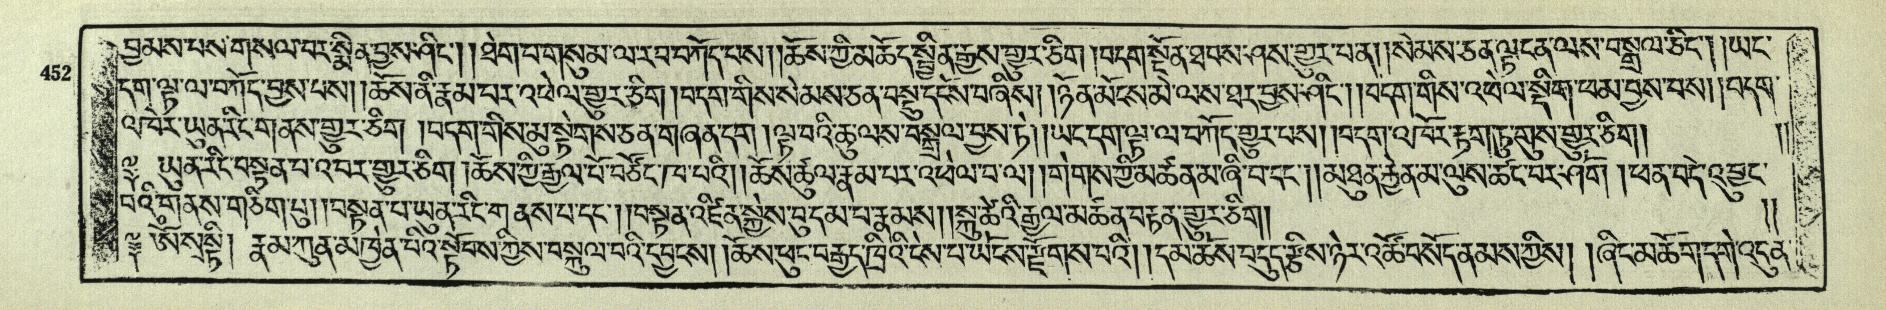བྱམས་པས་གསལ་བར་སྨིན་བྱས་ཤིང་། །ཐེག་པ་གསུམ་ལ་རབ་བཀོད་པས། །ཆོས་ཀྱི་མཆོད་སྦྱིན་རྒྱས་གྱུར་ཅིག །བདག་སྔོན་ཐབས་ཤས་གྱུར་པ་ན། །སེམས་ཅན་ལྟ་ངན་ལས་བསྒྲལ་ཅིང་། །ཡང་
དག་ལྟ་ལ་བཀོད་བྱས་པས། །ཆོས་ནི་རྣམ་པར་འཕེལ་གྱུར་ཅིག །བདག་གིས་སེམས་ཅན་བསྡུ་དངོས་བཞིས། །ཉོན་མོངས་མེ་ལས་ཐར་བྱས་ཤིང་། །བདག་གིས་འཕེལ་སྡིག་ཕམ་བྱས་བས། །བདག་
འཁེར་ཡུན་རིང་གནས་གྱུར་ཅིག །བདག་གིས་མུ་སྟེགས་ཅན་གཞན་དག །ལྟ་བའི་ཆུ་ལས་བསྒྲལ་བྱས་ཏེ། །ཡང་དག་ལྟ་ལ་བཀོད་གྱུར་པས། །བདག་འཁོར་རྟག་ཏུ་གུས་གྱུར་ཅིག། །།
འ་ཡུན་རིང་བསྟན་པ་འབར་གྱུར་ཅིག །ཆོས་ཀྱི་རྒྱལ་པོ་བཙོང་ཁ་པའི། །ཆོས་ཚུལ་རྣམ་པར་འཕེལ་བ་ལ། །གེགས་ཀྱི་མཚན་མ་ཞི་བ་དང་། །མཐུན་རྐྱེན་མ་ལུས་ཚང་བར་ཤོག །ཕན་བདེ་འབྱུང་
བའི་གནས་གཅིག་པུ། །བསྟན་པ་ཡུན་རིང་གནས་པ་དང་། །བསྟན་འཛིན་སྐྱེས་བུ་དམ་པ་རྣམས། །སྐུ་ཚེའི་རྒྱལ་མཚན་བརྟན་གྱུར་ཅིག། །།
འ་ཨོཾ་སྲ་སྟི། རྣམ་ཀུན་མཁྱེན་པའི་སྟོབས་ཀྱིས་བསྐུལ་བའི་དབྱངས། །ཆོས་ཕུང་བརྒྱད་ཁྲིའི་ངེས་པ་ཡོངས་རྫོགས་པའི། །དམ་ཆོས་བདུད་རྩིས་ཉེར་འཚོ་བསོད་ནམས་ཀྱིས། །ཞིང་མཆོག་དགེ་འདུན་